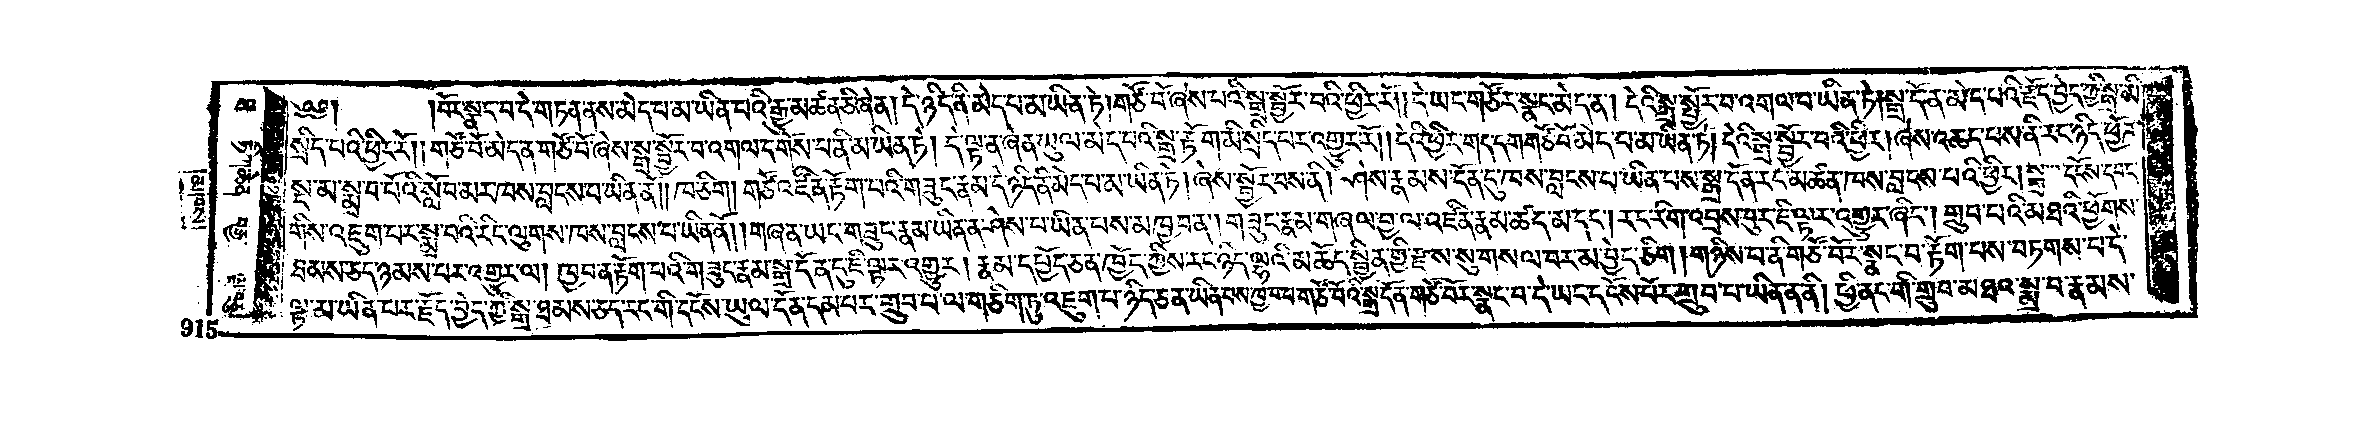༄༅། །བོར་སྣང་བ་དེ་གཏན་ནས་མེད་པ་མ་ཡིན་པའི་རྒྱུ་མཚན་ཅི་ཞེ་ན། དེ་ཉིད་ནི་མེད་པ་མ་ཡིན་ཏེ། གཙོ་བོ་ཞེས་པའི་སྒྲ་སྦྱོར་བའི་ཕྱིར་རོ། །དེ་ཡང་གཙོར་སྣང་མེད་ན། དེའི་སྒྲ་སྦྱོར་བ་འགལ་བ་ཡིན་ཏེ། སྒྲ་དོན་མེད་པའི་རྗོད་བྱེད་ཀྱི་སྒྲ་མི་
སྲིད་པའི་ཕྱིར་རོ། །གཙོ་བོ་མེད་ན་གཙོ་བོ་ཞེས་སྒྲ་སྦྱོར་བ་འགལ་དགོས་པ་ནི་མ་ཡིན་ཏེ། དེ་ལྟ་ན་ཞེན་ཡུལ་མེད་པའི་སྒྲ་རྟོག་མི་སྲིད་པར་འགྱུར་རོ། །དེའི་ཕྱིར་གད་དགག་གཙོ་བོ་མེད་པ་མ་ཡིན་ཏེ། དེའི་སྒྲ་སྦྱོར་བའི་ཕྱིར་ཞེས་འཆད་པས་ནི་རང་ཉིད་ཕྱོགས་
སྔ་མ་སྨྲ་བ་པོའི་སློབ་མར་ཁས་བླངས་པ་ཡིན་ནོ། །ཁ་ཅིག །གཙོ་འཛིན་རྟོག་པའི་གཟུང་རྣམ་དེ་ཉིད་ནི་མེད་པ་མ་ཡིན་ཏེ། ཞེས་སྦྱོར་བས་ནི། ཤེས་རྣམས་དོན་དུ་ཁས་བླངས་པ་ཡིན་པས་སྒྲ་དོན་རང་མཚན་ཁས་བླངས་པའི་ཕྱིར། སྒྲ་དངོས་དབང་
གིས་འཇུག་པར་སྨྲ་བའི་རིང་ལུགས་ཁས་བླངས་པ་ཡིན་ནོ། །གཞན་ཡང་གཟུང་རྣམ་ཡིན་ན་ཤེས་པ་ཡིན་པས་མ་ཁྱབ་ན། གཟུང་རྣམ་གཞལ་བྱ་ལ་འཛིན་རྣམ་ཚད་མ་དང་། རང་རིག་འབས་བུར་ཇི་ལྟར་འགྱུར་ཞིང་། གྲུབ་པའི་མཐའི་ཕྱོགས་
ཐམས་ཅད་ཉམས་པར་འགྱུར་ལ། ཁཡབ་ན་རྟོགས་པའི་གཟུང་རྣམ་སྒྲ་དོན་དུ་ཇི་ལྟར་འགྱུར། རྣམ་དཔྱོད་ཅན་ཁྱོད་ཀྱིས་རང་ཉིད་ལྷའི་མཆོད་སྦྱིན་གྱི་རྫས་སུ་གསལ་བར་མ་བྱེད་ཅིག །གཉིས་པ་ནི་གཙོ་བོར་སྣང་བ་རྟོག་པས་བཏགས་པ་དེ་
ལྟ་མ་ཡིན་པར་རྗོད་བྱེད་ཀྱི་སྒྲ་ཐམས་ཅད་རང་གི་དངོས་ཡུལ་དོན་དམ་པར་གྲུབ་པ་ལ་གཅིག་ཏུ་འཇུག་པ་ཉིད་ཅན་ཡིན་པས་ཁྱབ་པ་གཙོ་བོའི་སྒྲ་དོན་གཙོ་བོར་སྣང་བ་དེ་ཡང་དངོས་པོར་གྲུབ་པ་ཡིན་ན་ནི། ཕྱི་ནང་གི་གྲུབ་མཐའ་སྨྲ་བ་རྣམས་